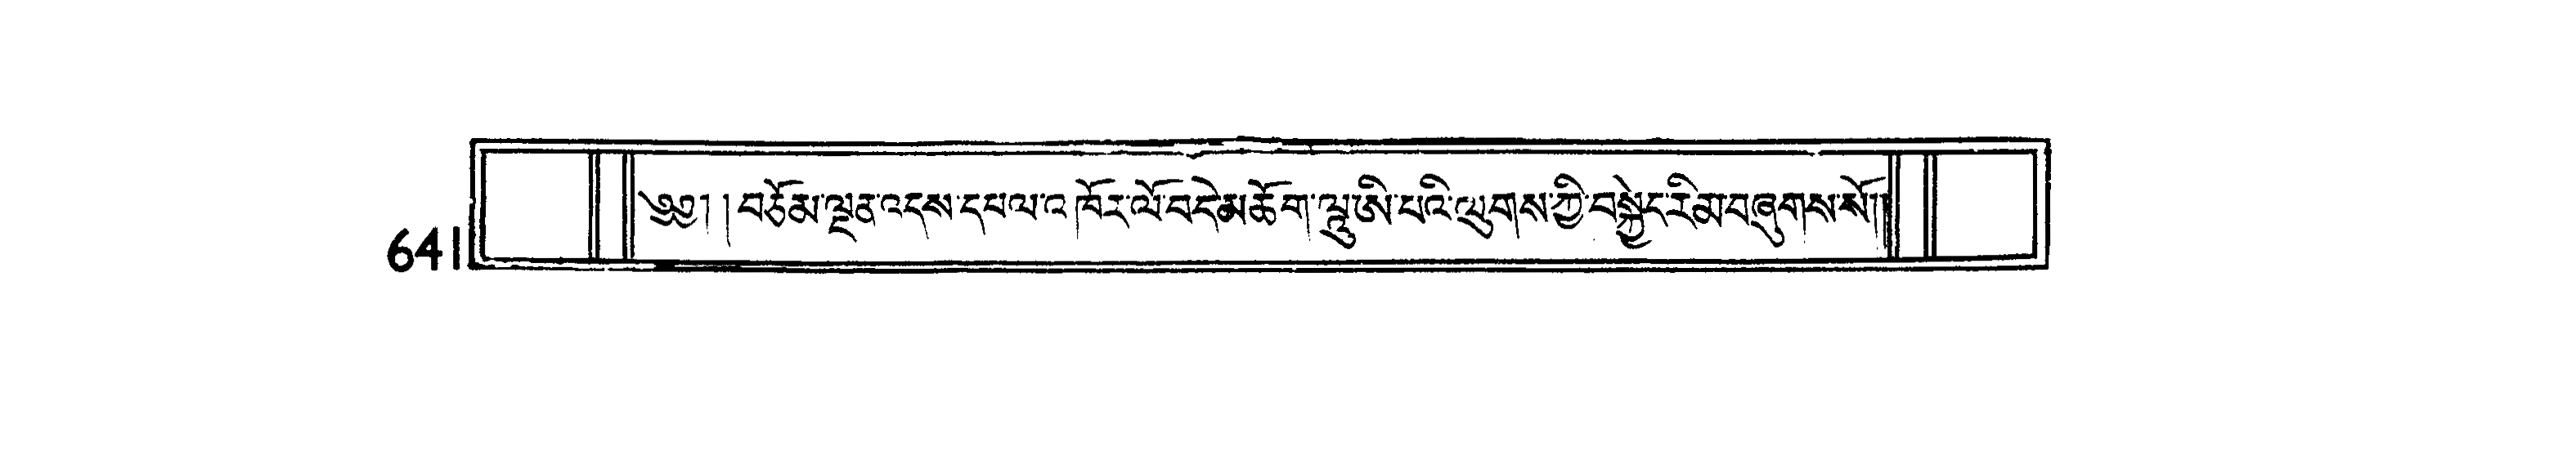༄༅། །བཅོམ་ལྡན་འདས་དཔལ་འཁོར་ལོ་བདེ་མཆོག་ལཱུ་ཨི་པའི་ལུགས་ཀྱི་བསྐྱེད་རིམ་བཞུགས་སོ། །